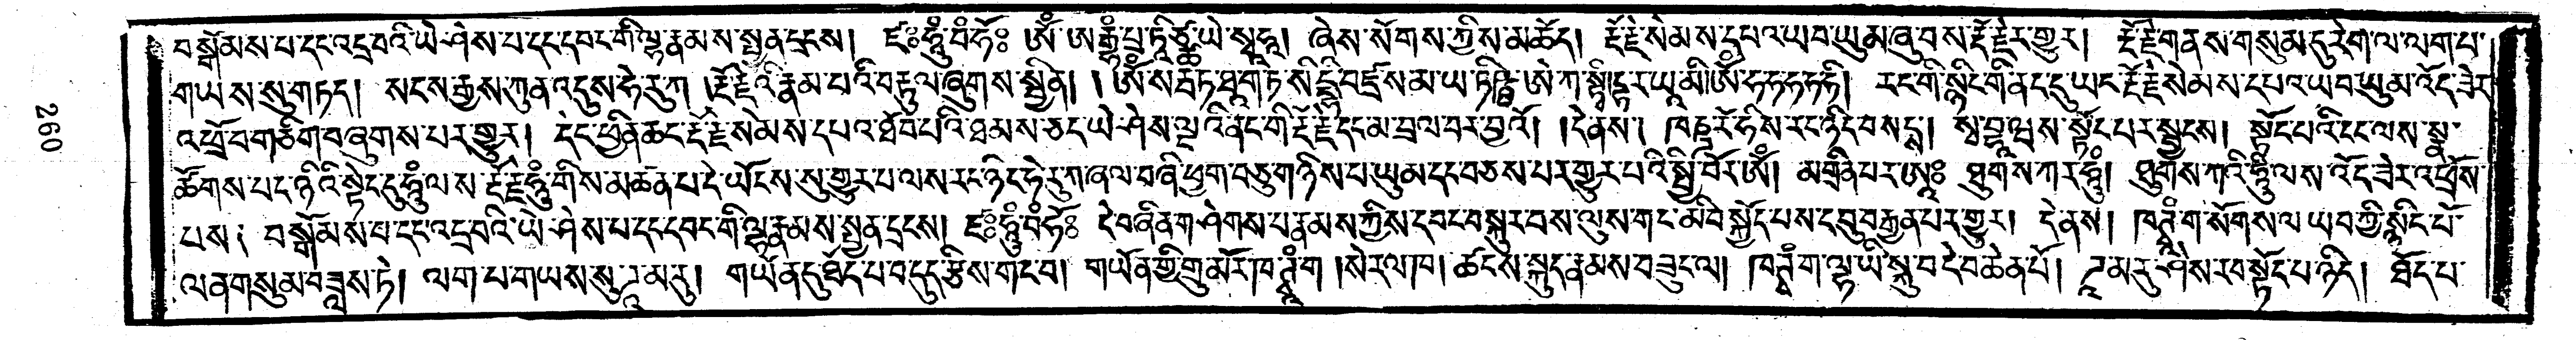བསྒོམས་པ་དང་འདྲ་བའི་ཡེ་ཤེས་པ་དང་དབང་གི་ལྷ་རྣམས་སྤྱན་དྲངས། ཛཿ ཧཱུཾ་བཾ་ཧོཿ ཨོཾ་ཨརྒྷཾ་པྲ་ཏཱིཙྪ་ཡེ་སྭཱ་ཧཱ། ཞེས་སོགས་ཀྱིས་མཆོད། རྡོ་རྗེ་སེམས་དཔའ་ཡབ་ཡུམ་ཞུ་བས་རྡོ་རྗེར་གྱུར། རྡོ་རྗེ་གནས་གསུམ་དུ་རེག་ལ་ལག་པ་
གཡས་སུ་གཏད། སངས་རྒྱས་ཀུན་འདུས་ཧེ་རུ་ཀ །རྡོ་རྗེའི་རྣམ་པའི་བརྟུལ་ཞུགས་སྦྱིན། །ཨོཾ་སརྦ་ཏ་ཐཱ་ག་ཏ་སིདྡྷི་བཛྲ་ས་མ་ཡ་ཏིཥཊཿཨ་ཨེ་ཀ་སཏྭི། དྷ་ར་ཡཱ་མི། ཨོཾ་ཧ་ཧ་ཧ་ཧ་ཧི། རང་གི་སྙིང་གི་ནང་དུ་ཡང་རྡོ་རྗེ་སེམས་དཔའ་ཡབ་ཡུམ་འོད་ཟེར་
འཕྲོ་བ་གཅིག་བཞུགས་པར་གྱུར། དེང་ཕྱིན་ཆད་རྡོ་རྗེ་སེམས་དཔའ་ཐོབ་པའི་ཐམས་ཅད་ཡེ་ཤེས་ལྔའི་ནང་གི་རྡོ་རྗེ་དང་མ་བྲལ་བར་བྱའོ། །དེ་ནས༑ ཁཎྜ་རོ་ཧིས་རང་ཉིད་བསངས། སྭ་བྷཱ་ཝས་སྟོང་པར་སྦྱངས། སྟོང་པའི་ངང་ལས་སྣ་
ཚོགས་པད་ཉིའི་སྟེང་དུ་ཧཱུཾ་ལས་རྡོ་རྗེ་ཧཱུཾ་གིས་མཚན་པ་དེ་ཡོངས་སུ་གྱུར་པ་ལས་རང་ཉིད་ཧེ་རུ་ཀ་ཞལ་བཞི་ཕྱག་བཅུ་གཉིས་པ་ཡུམ་དང་བཅས་པར་གྱུར་པའི་སྤྱི་བོར་ཨོཾ། མགྲིན་པར་ཨཱཿ ཐུགས་ཀར་ཧཱུཾ། ཐུགས་ཀའི་ཧཱུཾ་ལས་འོད་ཟེར་འཕྲོས་
པས༑ བསྒོམས་པ་དང་འདྲ་བའི་ཡེ་ཤེས་པ་དང་དབང་གི་ལྷ་རྣམས་སྤྱན་དྲངས། ཛཿ ཧཱུཾ་བཾ་ཧོཿ དེ་བཞིན་གཤེགས་པ་རྣམས་ཀྱིས་དབང་བསྐུར་བས་ལུས་གང་མི་བསྐྱོད་པས་དབུ་བརྒྱན་པར་གྱུར། དེ་ནས། ཁཊྭཱཾ་ག་སོགས་ལ་ཡབ་ཀྱི་སྙིང་པོ་
ལན་གསུམ་བཟླས་ཏེ། ལག་པ་གཡས་སུ་ཌཱ་མ་རུ། གཡོན་དུ་ཐོད་པ་བདུད་རྩིས་གང་བ། གཡོན་གྱི་གྲུ་མོར་ཁ་ཊྭཱཾ་ག །སེར་ལ་ཁ། ཚངས་སྐུད་རྣམས་བཟུང་ལ། ཁ་ཊྭཱཾ་ག་ལྷ་ཡི་སྐུ་བདེ་བ་ཆེན་པོ། ཌཱ་མ་རུ་ཤེས་རབ་སྟོང་པ་ཉིད། ཐོད་པ་